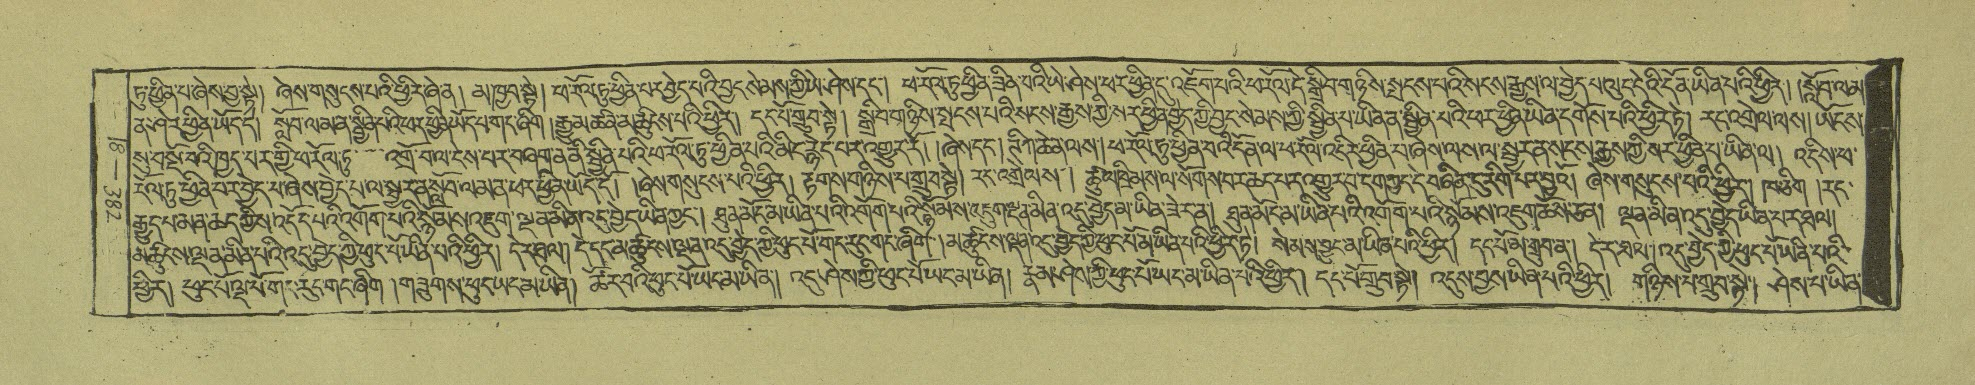ཏུ་ཕྱིན་པ་ཞེས་བྱ་སྟེ། ཞེས་གསུངས་པའི་ཕྱིར་ཞེ་ན། མ་ཁྱབ་སྟེ། ཕ་རོལ་ཏུ་ཕྱིན་པར་བྱེད་པའི་བྱང་སེམས་ཀྱི་ཡེ་ཤེས་དང་། ཕ་རོལ་ཏུ་ཕྱིན་ཟིན་པའི་ཡེ་ཤེས་ཕར་ཕྱིན་དུ་འཇོག་པའི་ཕ་རོལ་དེ་སྒྲིབ་གཉིས་སྤངས་པའི་སངས་རྒྱས་ལ་བྱེད་པ་ལུང་དེའི་དོན་ཡིན་པའི་ཕྱིར། །སློབ་ལམ་
ན་ཤེར་ཕྱིན་ཡོད་དོ། སློབ་ལམ་ན་སྦྱིན་པའི་ཕར་ཕྱིན་ཡོད་པ་གང་ཞིག །རྒྱུ་མཚན་མཚུངས་པའི་ཕྱིར། དང་པོ་གྲུབ་སྟེ། སྒྲིབ་གཉིས་སྤངས་པའི་སངས་རྒྱས་ཀྱི་སར་ཕྱིན་བྱེད་ཀྱི་བྱང་སེམས་ཀྱི་སྦྱིན་པ་ཡིན་ན་སྦྱིན་པའི་ཕར་ཕྱིན་ཡིན་དགོས་པའི་ཕྱིར་ཏེ། རང་འགྲེལ་ལས། ཡོངས་
སུ་བསྔོ་བའི་ཁྱད་པར་གྱི་ཕ་རོལ་ཏུ་འགྲོ་བ་ལ་ངེས་པར་བཞག་ན་ནི་སྦྱིན་པའི་ཕ་རོལ་ཏུ་ཕྱིན་པའི་མིང་རྙེད་པར་འགྱུར་རོ། །ཞེས་དང་། ཊིཀ་ཆེན་ལས། ཕ་རོལ་ཏུ་ཕྱིན་པའི་དོན་ལ་ཕ་རོལ་འདིར་ཕྱིན་པ་ཞེས་ལས་ལ་སྦྱར་ན་སངས་རྒྱས་ཀྱི་སར་ཕྱིན་པ་ཡིན་ལ། འདིས་པ་
རོལ་ཏུ་ཕྱིན་པར་བྱེད་པ་ཞེས་བྱེད་པ་ལ་སྦྱར་ན་སློབ་ལམ་ན་ཕར་ཕྱིན་ཡོད་དོ། །ཞེས་གསུངས་པའི་ཕྱིར། རྟགས་གཉིས་པ་གྲུབ་སྟེ། རང་འགྲེལ་ལས། ཚུལ་ཁྲིམས་ལ་སོགས་པ་འཆད་པར་འགྱུར་བདག་ཀྱང་དེ་བཞིན་དུ་རིག་པར་བྱའོ། །ཞེས་གསུངས་པའི་ཕྱིར། ཁ་ཅིག །རང་
རྒྱུད་པ་མན་ཆད་ཀྱིས་འདོད་པའི་འགོག་པའི་སྙོམས་འཇུག་ལྡན་མིན་འདུ་བྱེད་ཡིན་ཀྱང་། ཐུན་མོང་མ་ཡིན་པའི་འགོག་པའི་སྙོམས་འཇུག་ལྡན་མིན་འདུ་བྱེད་མ་ཡིན་ཟེར་ན། ཐུན་མོང་མ་ཡིན་པའི་འགོག་པའི་སྙོམས་འཇུག་ཆོས་ཅན། ལྡན་མིན་འདུ་བྱེད་ཡིན་པར་ཐལ།
མཚུངས་ལྡན་མིན་པའི་འདུ་བྱེད་ཀྱི་ཕུང་པོ་ཡིན་པའི་ཕྱིར། དེར་ཐལ། དེ་དང་མཚུངས་ལྡན་འདུ་བྱེད་ཀྱི་ཕུང་པོ་གང་རུང་གང་ཞིག །མཚུངས་ལྡན་འདུ་བྱེད་ཀྱི་ཕུང་པོ་མ་ཡིན་པའི་ཕྱིར་ཏེ། སེམས་བྱུང་མ་ཡིན་པའི་ཕྱིར། དང་པོ་མ་གྲུབ་ན། དེར་ཐལ། འདུ་བྱེད་ཀྱི་ཕུང་པོ་ཡིན་པའི་
ཕྱིར། ཕུང་པོ་ལྔ་པོ་གང་རུང་གང་ཞིག །གཟུགས་ཕུང་ཡང་མ་ཡིན། ཚོར་བའི་ཕུང་པོ་ཡང་མ་ཡིན། འདུ་ཤེས་ཀྱི་ཕུང་པོ་ཡང་མ་ཡིན། རྣམ་ཤེས་ཀྱི་ཕུང་པོ་ཡང་མ་ཡིན་པའི་ཕྱིར། དང་པོ་གྲུབ་སྟེ། འདུས་བྱས་ཡིན་པའི་ཕྱིར། གཉིས་པ་གྲུབ་སྟེ། ཤེས་པ་ཡིན་